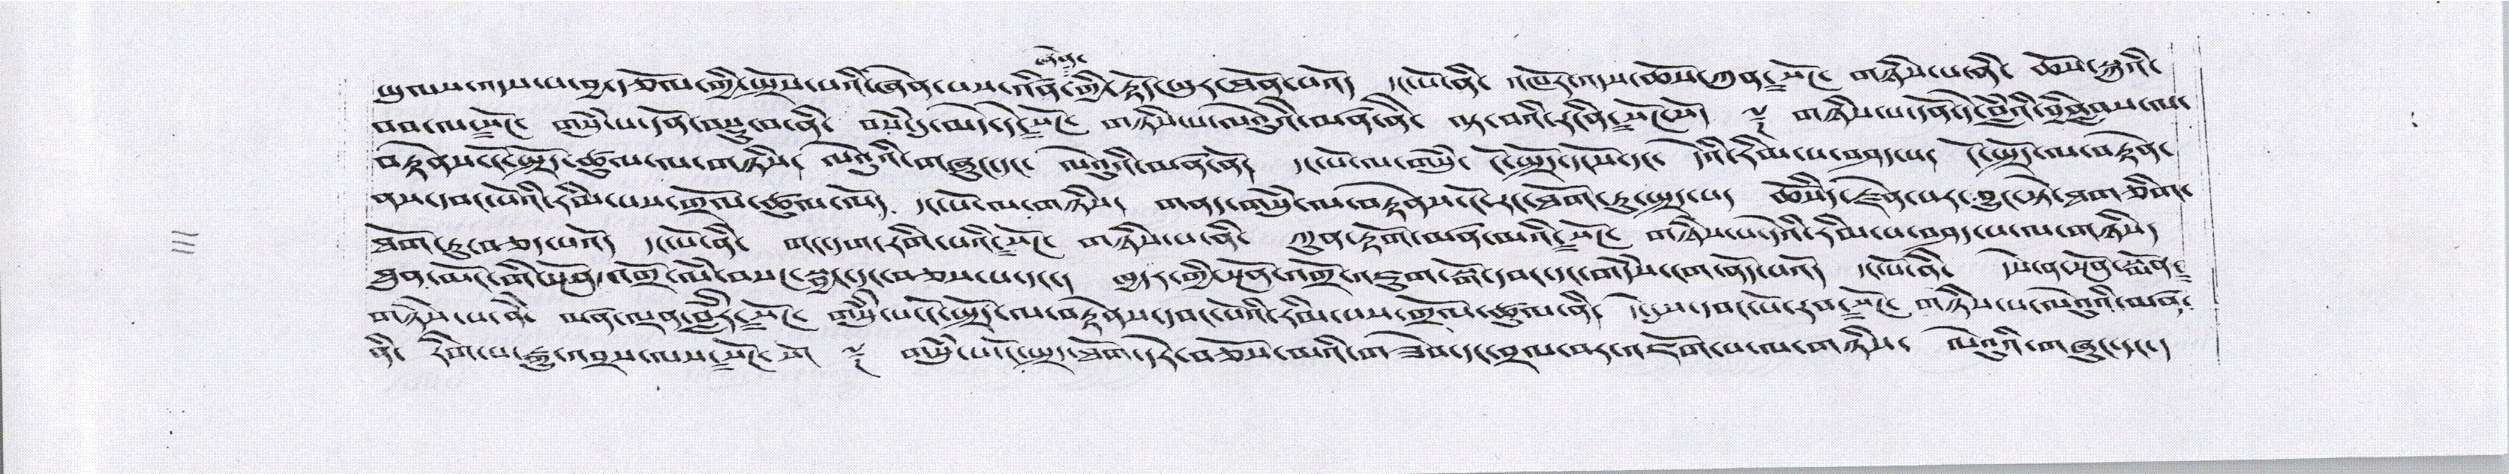ཡུལ་ལས་འདས་པ་བྱ་རྩོལ་གྱི་སྤྲོས་པའི་ཞེན་པས་འཛིན་ཞེན་གྱི་རྟོད་ཕུར་ཐོན་པའོ། དང་པོ་ནི། འཁོར་འདས་ཆོས་ཀུན། སོགས། གཉིས་པ་ནི། ཆོས་སྐུའི་
བབས་ལ་སོགས། གསུམ་པ་དོན་བསྡུ་བ་ནི། བསམ་དུ་མེད་དེ། སོགས། གཉིས་པ་ལེའུ་མཚན་ནི། ལྟ་བའི་རང་བཞིན་སོགས། ༧ གཉིས་པ་དོན་དམ་བླ་མའི་བྱིན་རླབས་ལ་
བརྟེན་ནས་ངོ་སྤྲོད་ཚུལ་ལ་གཉིས། ལེའུའི་གཞུང་དང་། ལེའུའི་མཚན་ནོ། དང་པོ་ལ་གསུམ། ངོ་སྤྲོད་དངོས་དང་། དེའི་རིམ་པ་བཤད་པ། ངོ་སྤྲོད་ལ་བརྟེན་
ནས་དབང་པོའི་རིམ་པས་གྲོལ་ཚུལ་ལོ། དང་པོ་གཉིས། གནད་གསུམ་ལ་བརྟེན་ནས་ངོ་རང་ཐོག་ཏུ་སྤྲད་པ། ཆོས་ཉིད་རྗེན་པར་བྱུང་སྟེ་ཐག་གཅིག་
ཐོག་ཏུ་བཅད་པའོ། དང་པོ་ནི། གང་དག་རིག་པའི། སོགས། གཉིས་པ་ནི། ཀུན་རྟོག་མཚན་མའི༑ སོགས། གཉིས་པ་དེའི་རིམ་པ་བཤད་པ་ལ་གཉིས། 
ཐུན་མོང་གི་སྔོན་འགྲོ་ལམ་བསགས་སྦྱོང་དང་བཅས་པ་དང་། ཁྱད་པར་གྱི་སྔོན་འགྲོ་དབང་དང་གདམས་ངག་ནོད་པའོ། དང་པོ་ནི། དེས་ན་སྔོན་སྨོན༑ 

གཉིས་པ་ནི། མཚན་ལྡན་བླ་མར༑ སོགས་སོ། ༧ གསུམ་པ་ངོ་སྤྲད་ཐོག་དེར་བཅོས་མའི་གཟེབ་དང་བྲལ་བར་འཇོག་པ་ལ་གཉིས། ལེའུའི་གཞུང་དང་།